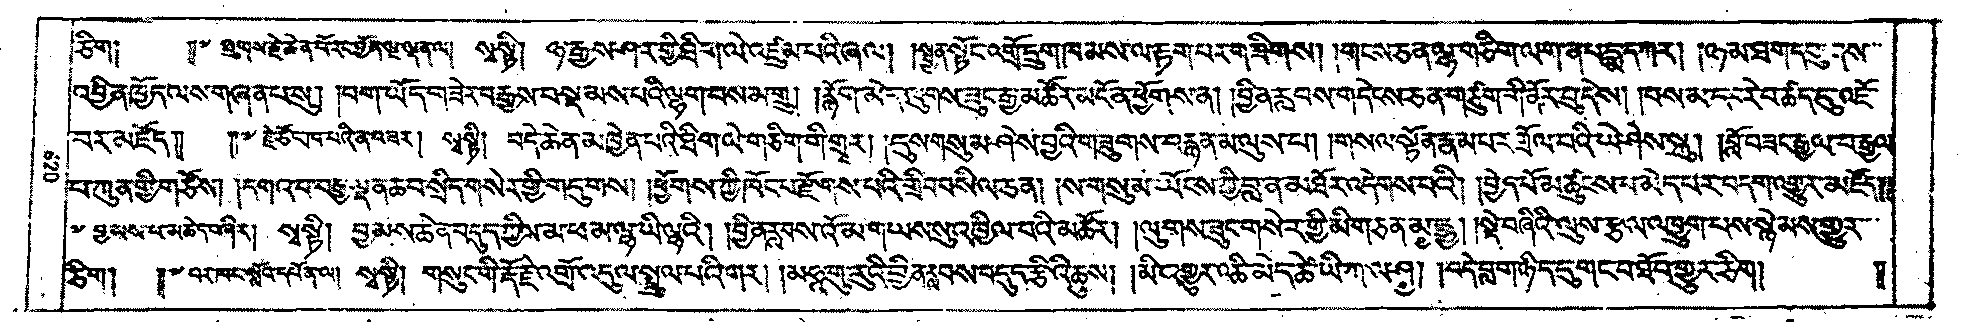ཅིག། །། ༧་ཐུགས་རྗེ་ཆེན་པོ་རང་བྱོན་ལྔ་ལྡན་ལ།  སྭ་སྟི། ཉ་རྒྱས་ཤར་གྱི་ཐིག་ལེ་འཛུམ་པའི་ཞལ། །སྤྱན་སྟོང་འགྲོ་དྲུག་ཁམས་ལ་རྟག་པར་གཟིགས། །གངས་ཅན་ལྷ་གཅིག་ལག་ན་པདམ་དཀར། །ཉམ་ཐག་དབུགས་
འབྱིན་ཁྱོད་ལས་གཞན་པ་སུ། །བག་ཡོད་གཟེར་བརྒྱས་བསྡམས་པའི་ལྷག་བསམ་གྲུ། །རྙོག་མེད་ལུགས་ཟུང་རྒྱ་མཚོར་མངོན་ཕྱོགས་ན། །བྱིན་རླབས་གདེངས་ཅན་གཙུག་གི་ནོར་བུ་དེས། །བསམ་དང་རེ་བ་ཚད་དུ་འཇོ་
བར་མཛོད།། །། ༧་རྗེ་ཙོང་ཁ་པའི་ན་བཟར།  སྭ་སྟི། བདེ་ཆེན་མཁྱེན་པའི་ཐིག་ལེ་གཅིག་གི་གྲྭར། །དུས་གསུམ་ཤེས་བྱའི་གཟུགས་བརྙན་མ་ལུས་པ། །གསལ་སྟོན་རྣམ་པར་གྲོལ་བའི་ཡེ་ཤེས་སྐུ། །བློ་བཟང་རྒྱལ་བ་རྒྱལ་
བ་ཀུན་གྱི་གཙོས། །དགའ་བ་བརྒྱ་ལྡན་ཆབ་སྲིད་གསེར་གྱི་གདུགས། །ཕྱོགས་ཀྱི་ཁོང་པ་རྫོགས་པའི་གྲིབ་བསིལ་ཅན། །ས་གསུམ་ཡོངས་ཀྱི་བླ་ན་མཐོར་འདེགས་པའི། །བྱེད་པོ་མཚུངས་པ་མེད་པར་བདག་འགྱུར་མཛོད།། །།
༧བྱམས་པ་མཆེད་བཞིར།  སྭ་སྟི། བྱམས་ཆེན་བདུད་ཀྱིས་མ་ཕམ་ལྷ་ཡི་ལྷའི། །བྱིན་རླབས་འོ་མ་གཡས་སུ་འཁྱིལ་བའི་མཚོར། །ལུགས་ཟུང་གསེར་གྱི་མིག་ཅན་མ྾་དྷྱ། །སྡེ་བཞིའི་ལུས་རྩལ་འཁྱུག་པས་སྙེམས་གྱུར་
ཅིག། །། ༧བར་ཁང་སློབ་དཔོན་ལ།  སྭ་སྟི། གསུང་གི་རྡོ་རྗེ་འགྲོ་འདུལ་སྤྲུལ་པའི་གར། །མཧཱ་གུ་རུའི་བྱིན་རླབས་བདུད་རྩིའི་ཆུས། །མི་འགྱུར་འཆི་མེད་ཚེ་ཡི་ཀ་ལ་ཤ྾། །བདེ་བླག་ཉིད་དུ་གང་བ་ཐོབ་གྱུར་ཅིག ། །།